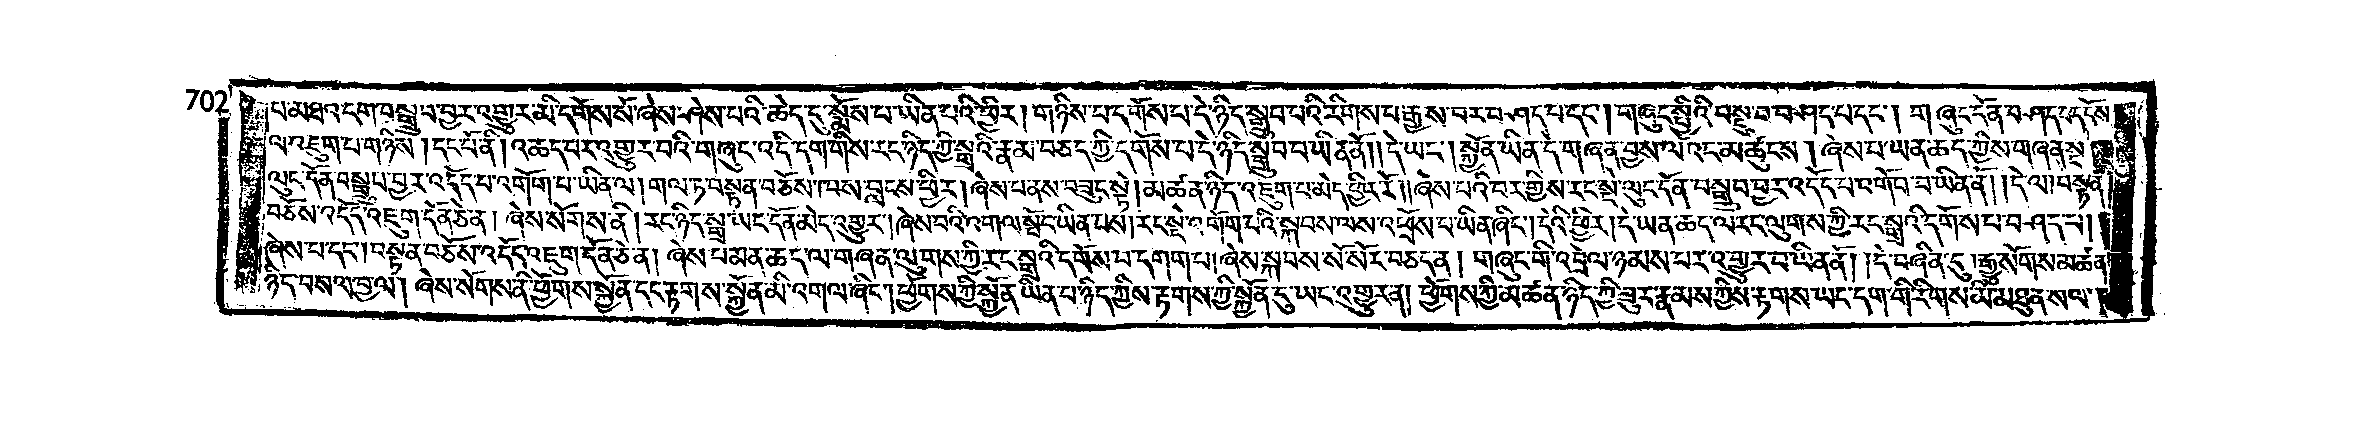པ་མཐའ་དག་བསྒྲུབ་བྱར་འགྱུར་མི་དགོས་སོ་ཞེས་ཤེས་པའི་ཆེད་དུ་སྨོས་པ་ཡིན་པའི་ཕྱིར། གཉིས་པ་དགོས་པ་དེ་ཉིད་སྒྲུབ་པའི་རིགས་པ་རྒྱས་པར་བཤད་པ་དང་། གཞུང་སྤྱིའི་བསྡུ་བ་བཤད་པ་དང་། གཞུང་དོན་བཤད་པ་དངོས་
ལ་འཇུག་པ་གཉིས། དང་པོ་ནི། འཆད་པར་འགྱུར་བའི་གཞུང་འདི་དག་གིས་རང་ཉིད་ཀྱི་སྒྲའི་རྣམ་བཅད་ཀྱི་དགོས་པ་དེ་ཉིད་སྒྲུབ་པ་ཡིན་ནོ། །དེ་ཡང་། སྐྱོན་ཡིན་དེ་གཞན་བྱས་ལའང་མཚུངས། ཞེས་པ་ཡན་ཆད་ཀྱིས་གཞན་སྔ་
ལུང་དོན་བསྒྲུབ་བྱར་འདོད་པ་འགོག་པ་ཡིན་ལ། གལ་ཏེ་བསྟན་བཅོས་ཁས་བླངས་ཕྱིར། ཞེས་པ་ནས་བཟུང་སྟེ། མཚན་ཉིད་འཇུག་པ་མེད་ཕྱིར་རོ། །ཞེས་པའི་བར་གྱིས་རང་སྡེ་ལུང་དོན་བསྒྲུབ་བྱར་འདོད་པ་འགོད་པ་ཡིན་ནོ། །དེ་ལ། བསྟན་
བཅོས་འདོད་འཇུག་དོན་ཅེ་ན། ཞེས་སོགས་ནི། རང་ཉིད་སྒྲ་ཡང་དོན་མེད་འགྱུར། ཞེས་པའི་འགལ་སྤོང་ཡིན་པས། རང་སྡེ་འགོག་པའི་སྐབས་ལས་འཕྲོས་པ་ཡིན་ཞིང་། དེའི་ཕྱིར། དེ་ཡན་ཆད་ལ་རང་ལུགས་ཀྱི་རང་སྒྲའི་དགོས་པ་བཤད་པ།
ཞེས་པ་དང་། བསྟན་བཅོས་འདོད་འཇུག་དོན་ཅེ་ན། ཞེས་པ་མན་ཆད་ལ་གཞན་ལུགས་ཀྱི་རང་སྒྲའི་དགོས་པ་དགག་པ། ཞེས་སྐབས་སོ་སོར་བཅད་ན། གཞུང་གི་འབྲེལ་ཉམས་པར་འགྱུར་བ་ཡིན་ནོ། །དེ་བཞིན་དུ། རྒྱུ་སོགས་མཚན་
ཉིད་བསལ་བྱ་ལ། ཞེས་སོགས་ནི་ཕྱོགས་སྐྱོན་དང་རྟགས་སྐྱོན་མི་འགལ་ཞིང་། ཕྱོགས་ཀྱི་སྐྱོན་ཡིན་པ་ཉིད་ཀྱིས་རྟགས་ཀྱི་སྐྱོན་དུ་ཡང་འགྱུར་ན། ཕྱོགས་ཀྱི་མཚན་ཉིད་ཀྱི་ཟུར་རྣམས་ཀྱིས་རྟགས་ཡང་དག་གི་རིགས་མི་མཐུན་སལ།